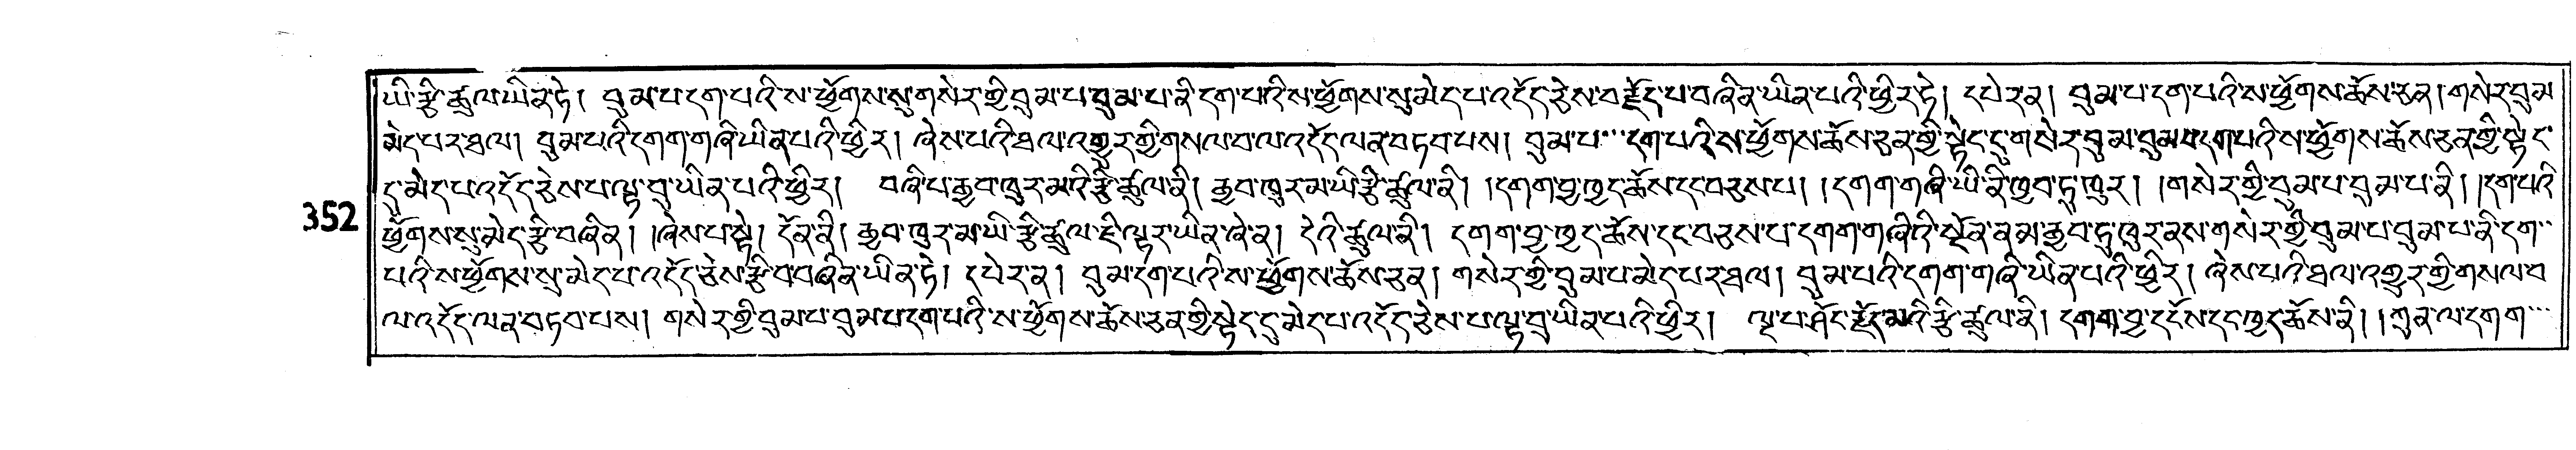ཡི་རྩི་ཚུལ་ཡིན་ཏེ། བུམ་པ་དག་པའི་ས་ཕྱོགས་སུ་གསེར་གྱི་བུམ་པ་བུམ་པ་ནི་དག་པའི་ས་ཕྱོགས་སུ་མེད་པ་འདོད་ཅེས་བརྗོད་པ་བཞིན་ཡིན་པའི་ཕྱིར་ཏེ། དཔེར་ན། བུམ་པ་དག་པའི་ས་ཕྱོགས་ཆོས་ཅན། གསེར་བུམ་
མེད་པར་ཐལ། བུམ་པའི་དགག་གཞི་ཡིན་པའི་ཕྱིར། ཞེས་པའི་ཐལ་འགྱུར་གྱི་གསལ་བ་ལ་འདོད་ལན་བཏབ་པས། བུམ་པ་དག་པའི་ས་ཕྱོགས་ཆོས་ཅན་གྱི་སྟེང་དུ་གསེར་བུམ་བུམ་པ་དག་པའི་ས་ཕྱོགས་ཆོས་ཅན་གྱི་སྟེང་
དུ་མེད་པ་འདོད་ཅེས་པ་ལྟ་བུ་ཡིན་པའི་ཕྱིར། བཞི་པ་རྒྱབ་ཁུར་མའི་རྩི་ཚུལ་ནི། རྒྱབ་ཁུར་མ་ཡི་རྩི་ཚུལ་ནི། །དགག་བྱ་ཁྱད་ཆོས་དང་བཅས་པ། །དགག་གཞི་ཡི་ནི་ཁྱབ་ཏུ་ཁུར། །གསེར་གྱི་བུམ་པ་བུམ་པ་ནི། །དག་པའི་
ཕྱོགས་སུ་མེད་རྩི་བཞིན། །ཞེས་པ་སྟེ། དོན་ནི། རྒྱབ་ཁུར་མ་ཡི་རྩི་ཚུལ་ཇི་ལྟར་ཡིན་ཞེ་ན། དེའི་ཚུལ་ནི། དགག་བྱ་ཁྱད་ཆོས་དང་བཅས་པ་དགག་གཞིའི་སྔོན་ནམ་རྒྱབ་ཏུ་ཁུར་ནས་གསེར་གྱི་བུམ་པ་བུམ་པ་ནི་དག་
པའི་ས་ཕྱོགས་སུ་མེད་པ་འདོད་ཅེས་རྩི་བ་བཞིན་ཡིན་ཏེ། དཔེར་ན། བུམ་དག་པའི་ས་ཕྱོགས་ཆོས་ཅན། གསེར་གྱི་བུམ་པ་མེད་པར་ཐལ། བུམ་པའི་དགག་གཞི་ཡིན་པའི་ཕྱིར། ཞེས་པའི་ཐལ་འགྱུར་གྱི་གསལ་བ་
ལ་འདོད་ལན་བཏབ་བས། གསེར་གྱི་བུམ་པ་བུམ་པ་དག་པའི་ས་ཕྱོགས་ཆོས་ཅན་གྱི་སྟེང་དུ་མེད་པ་འདོད་ཅེས་པ་ལྟ་བུ་ཡིན་པའི་ཕྱིར། ལྔ་པ་ཤོང་རྫོད་མའི་རྩི་ཚུལ་ནི། དགག་བྱ་དངོས་དང་ཁྱོད་ཆོས་ནི། །ཀུན་ལ་དགག་